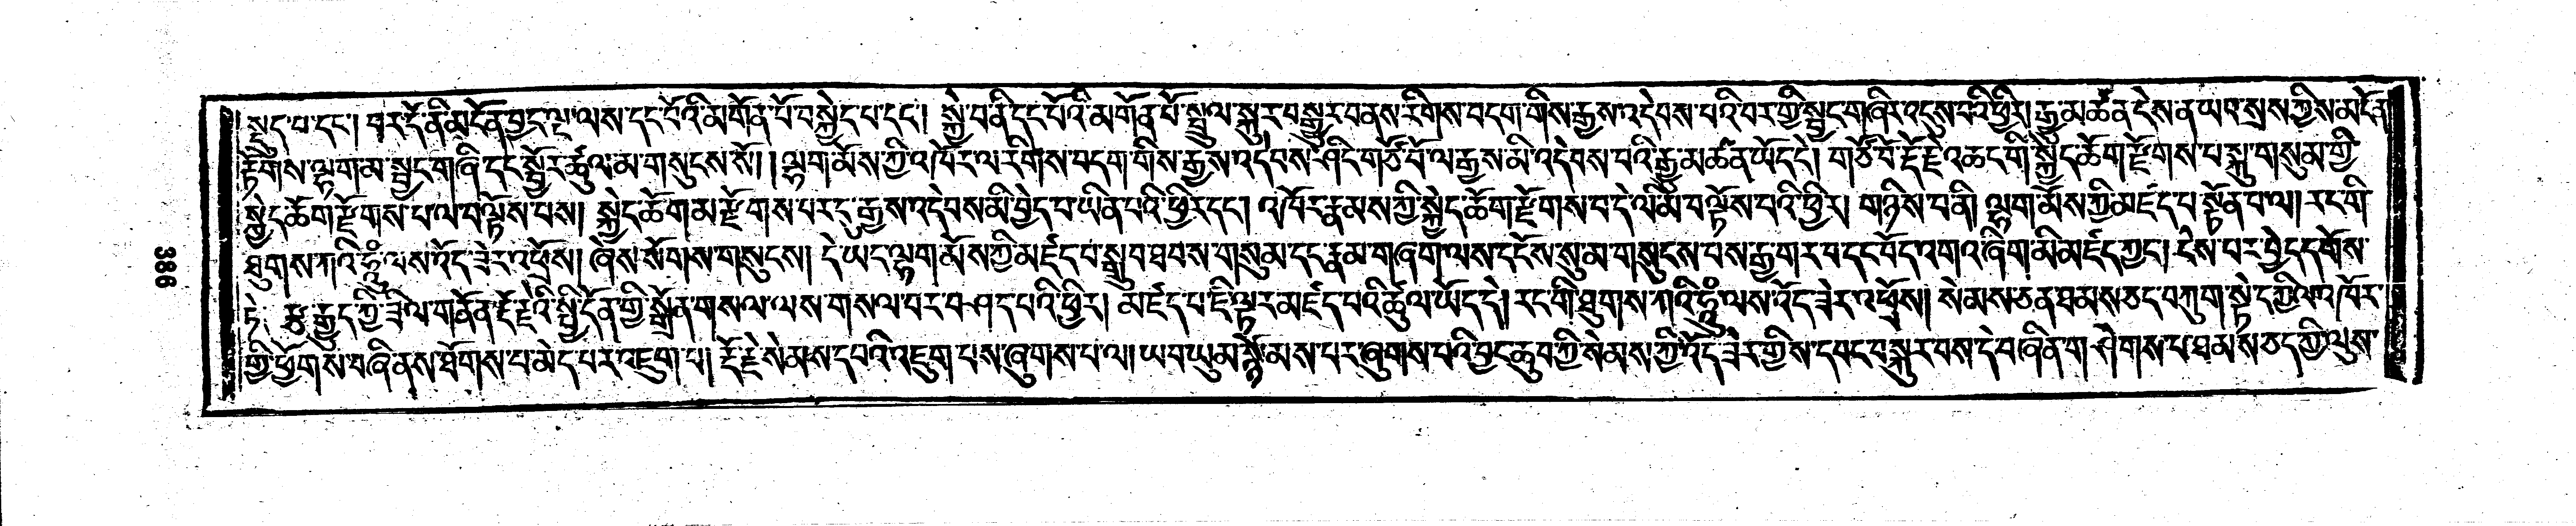སྡུད་པ་དང་། བར་དོ་ནི་མངོན་བྱང་ལྔ་ལས་དང་པོའི་མགོན་པོ་བསྐྱེད་པ་དང་། སྐྱེ་བ་ནི་དང་པོའི་མགོན་པོ་སྤྲུལ་སྐུར་བསྒྱུར་བ་ནས་རིགས་བདག་གིས་རྒྱས་འདེབས་པའི་བར་གྱི་སྦྱང་གཞིར་འདུས་པའི་ཕྱིར། རྒྱུ་མཚན་དེས་ན་ཡབ་སྲས་ཀྱིས་མངོན་
རྟོགས་ལྷག་མ་སྦྱང་གཞི་དང་སྦྱོར་ཚུལ་མ་གསུངས་སོ། །ལྷག་མོས་ཀྱི་འཁོར་ལ་རིགས་བདག་གིས་རྒྱས་འདེབས་ཤིང་གཙོ་བོ་ལ་རྒྱས་མི་འདེབས་པའི་རྒྱུ་མཚན་ཡོད་དེ། གཙོ་བོ་རྡོ་རྗེ་འཆང་གི་སྐྱེད་ཆོག་རྫོགས་པ་སྐུ་གསུམ་གྱི་
སྐྱེད་ཆོག་རྫོགས་པ་ལ་བལྟོས་པས། སྐྱེད་ཆོག་མ་རྫོགས་བར་དུ་རྒྱས་འདེབས་མི་བྱེད་པ་ཡིན་པའི་ཕྱིར་དང་། འཁོར་རྣམས་ཀྱི་སྐྱེད་ཆོག་རྫོགས་པ་དེ་ལ་མི་བལྟོས་པའི་ཕྱིར། གཉིས་པ་ནི། ལྷག་མོས་ཀྱི་མཛད་པ་སྟོན་པ་ལ། རང་གི་
ཐུགས་ཀའི་ཧཱུཾ་ལས་འོད་ཟེར་འཕྲོས། ཞེས་སོགས་གསུངས། དེ་ཡང་ལྷག་མོས་ཀྱི་མཛད་པ་སྒྲུབ་ཐབས་གསུམ་དང་རྣམ་གཞག་ལས་དངོས་སུ་མ་གསུངས་པས་རྒྱ་གར་བ་དང་བོད་འགའ་ཞིག་མི་མཛད་ཀྱང་། ངེས་པར་བྱེད་དགོས་
ཏེ༑ རྩ་རྒྱུད་ཀྱི་ཟིལ་གནོན་རྡོ་རྗེའི་སྤྱི་དོན་གྱི་སྒྲོན་གསལ་ལས་གསལ་བར་བཤད་པའི་ཕྱིར། མཛད་པ་ཇི་ལྟར་མཛད་པའི་ཚུལ་ཡོད་དེ། རང་གི་ཐུགས་ཀའི་ཧཱུཾ་ལས་འོད་ཟེར་འཕྲོས། སེམས་ཅན་ཐམས་ཅད་བཀུག་སྟེ་དཀྱིལ་འཁོར་
གྱི་ཕྱོགས་བཞི་ནས་ཐོགས་པ་མེད་པར་འཇུག་པ། རྡོ་རྗེ་སེམས་དཔའི་འཇུག་པས་ཞུགས་པ་ལ། ཡབ་ཡུམ་སྙོམས་པར་ཞུགས་པའི་བྱང་ཆུབ་ཀྱི་སེམས་ཀྱི་འོད་ཟེར་གྱིས་དབང་བསྐུར་བས་དེ་བཞིན་གཤེགས་པ་ཐམས་ཅད་ཀྱི་ལུས་